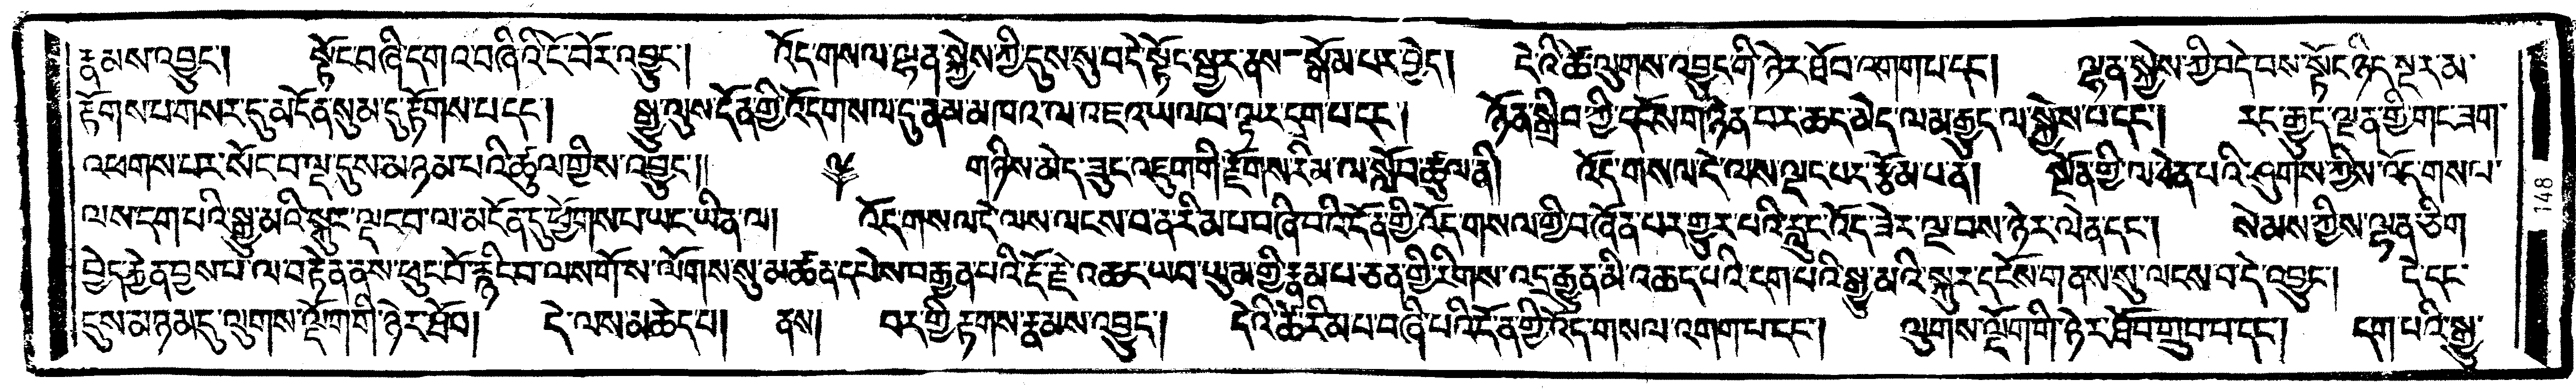རྣམས་འབྱུང་། སྟོང་བཞི་དགའ་བཞིའི་ངོ་བོར་འབྱུང་། འོད་གསལ་ལྷན་སྐྱེས་ཀྱི་དུས་སུ་བདེ་སྟོང་སྦྱར་ནས་སྒོམ་པར་བྱེད། དེའི་ཚེ་ལུགས་འབྱུང་གི་ཉེར་ཐོབ་འགག་པ་དང་། ལྷན་སྐྱེས་ཀྱི་བདེ་བས་སྟོང་ཉིད་སྔར་མ་
རྟོགས་པ་གསར་དུ་མངོན་སུམ་དུ་རྟོགས་པ་དང་། སྒྱུ་ལུས་དོན་གྱི་འོད་གསལ་དུ་ནམ་མཁའ་ལ་འཇའ་ཡལ་བ་ལྟར་དྲག་པ་དང་། ཉོན་སྒྲིབ་ཀྱི་དངོས་གཉེན་བར་ཆད་མེད་ལམ་རྒྱུད་ལ་སྐྱེས་པ་དང་། རང་རྒྱུད་ལྡན་གྱི་གང་ཟག་
འཕགས་པར་སོང་བ་ལྔ་དུས་མཉམ་པའི་ཚུལ་གྱིས་འབྱུང།། ༈ གཉིས་མེད་ཟུང་འཇུག་གི་རྫོགས་རིམ་ལ་སློབ་ཚུལ་ནི། འོད་གསལ་དེ་ལས་ལྡང་བར་རྩོམ་པ་ན། སྔོན་གྱི་འཕེན་པའི་ཤུགས་ཀྱིས་འོད་གསལ་
ལས་དག་པའི་སྒྱུ་མའི་སྐུར་ལྡང་བ་ལ་མངོན་དུ་ཕྱོགས་པ་ཡང་ཡིན་ལ། འོད་གསལ་དེ་ལས་ལངས་བ་ན་རིམ་པ་བཞི་བའི་དོན་གྱི་འོད་གསལ་གྱི་བཞོན་པར་གྱུར་པའི་རླུང་འོད་ཟེར་ལྔ་བས་ཉེར་ལེན་དང་། སེམས་ཀྱིས་ལྷན་ཅིག་
བྱེད་རྐྱེན་བྱས་པ་ལ་བརྟེན་ནས་ཕུང་པོ་རྙིང་པ་ལས་གོ་ས་ལོགས་སུ་མཚན་དཔེས་བརྒྱན་པའི་རྡོ་རྗེ་འཆང་ཡབ་ཡུམ་གྱི་རྣམ་པ་ཅན་གྱི་རིགས་འདྲ་རྒྱུན་མི་འཆད་པའི་དག་པའི་སྒྱུ་མའི་སྐུར་དངོས་གནས་སུ་ལངས་བ་དེ་འབྱུང་། དེ་དང་
དུས་མཉམ་དུ་ལུགས་ལྡོག་གི་ཉེར་ཐོབ། དེ་ལས་མཆེད་པ། ནས། བར་གྱི་རྟགས་རྣམས་འབྱུང་། དེའི་ཚེ་རིམ་པ་བཞི་པའི་དོན་གྱི་འོད་གསལ་འགག་པ་དང་། ལུགས་ལྡོག་གི་ཉེར་ཐོབ་གྲུབ་པ་དང་། དག་པའི་སྒྱུ་